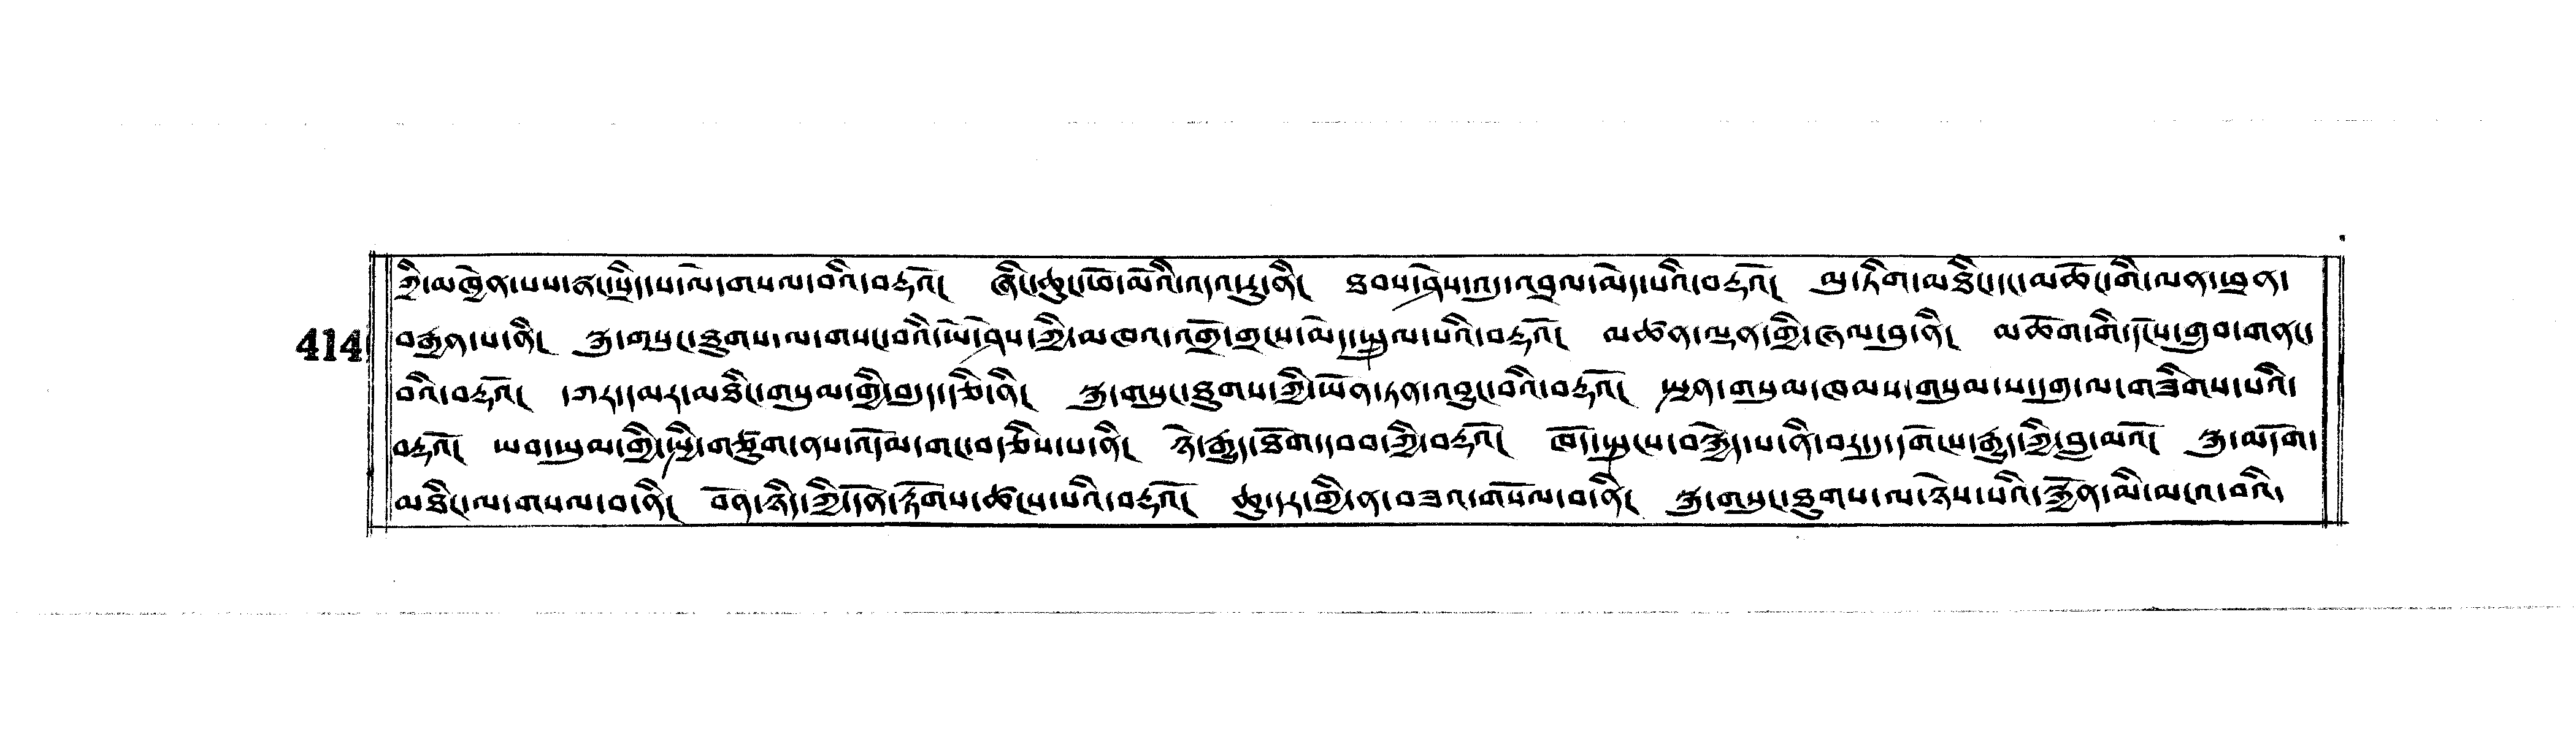ཀྱི་མཁྱེན་པས་སྣང་སྲིད་ས་ལེ་གསལ་བའི་བརྡའོ། ཞིང་ཆུང་ཕོ་མོའི་འདའ་རུ་ནི། ཐབས་ཤེས་འདུ་འབྲལ་མེད་པའི་བརྡའོ། མུ་ཏིག་མཐིང་དང་མཆོང་གི་ལན་ཕྲན་
བརྒྱན་པ་ནི། སྐུ་གསུང་ཐུགས་ལ་གསང་བའི་ཡེ་ཤེས་ཀྱི་མཁའ་འགྲོ་གྲངས་མེད་སྤྲུལ་པའི་བརྡའོ། མཚན་ལྡན་གྱི་ཞལ་བུ་ནི། མཆོག་གི་དངོས་གྲུབ་གནང་
བའི་བརྡའོ། དཀར་དམར་མཐིང་གསུམ་གྱི་བདུད་རྩི་ནི། སྐུ་གསུང་ཐུགས་ཀྱི་ཡོན་ཏན་འབྱུང་བའི་བརྡའོ། སྤྱན་གསུམ་ཁམས་གསུམ་ས་དགུ་ལ་གཟིགས་པའི་
བརྡའོ། ཡབ་ཡུབ་གྱི་སྤྱི་གཙུག་ནས་འདོམ་གང་བརྩིས་པ་ནི། ཉེ་རྒྱུད་ཐོག་དབབ་ཀྱི་བརྡའོ། ཁོད་སྤུངས་བསྐྱེད་པ་ནི་བར་དུ་དགོངས་རྒྱུད་ཀྱི་བླ་མའོ། སྐུ་མདོག་
མཐིང་ལ་གསལ་བ་ནི། བོན་ཉིད་ཀྱི་དོན་རྟོགས་ཚང་བའི་བརྡའོ། ཆུ་དར་གྱི་ན་བཟའ་གསོལ་བ་ནི། སྐུ་གསུང་ཐུགས་ལ་ཉེས་པའི་སྐྱོན་མི་མངའ་བའི་